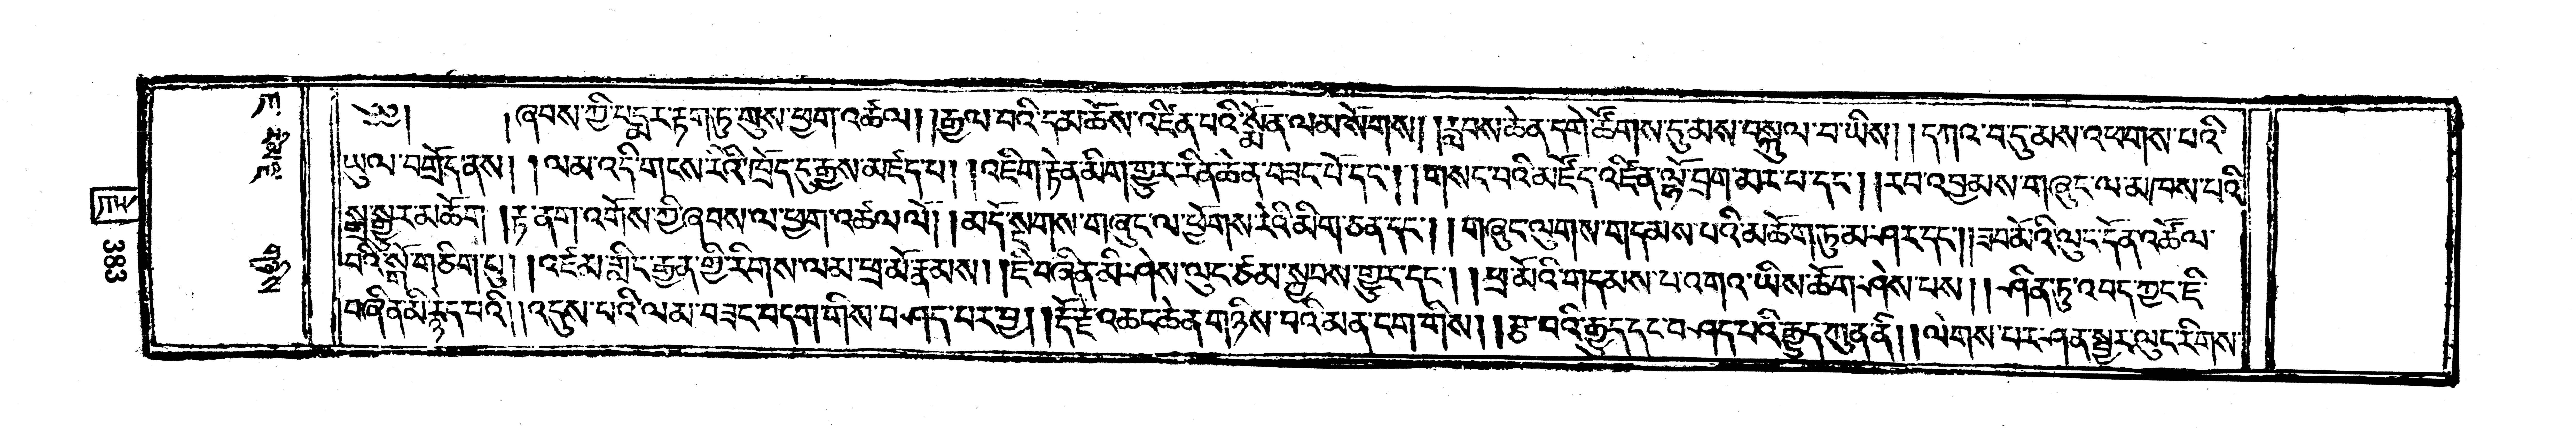༄༅། །ཞབས་ཀྱི་པདམར་རྟག་ཏུ་གུས་ཕྱག་འཚལ། །རྒྱལ་བའི་དམ་ཆོས་འཛིན་པའི་སྨོན་ལམ་སོགས། །རླབས་ཆེན་དགེ་ཚོགས་དུ་མས་བསྐུལ་བ་ཡིས། །དཀའ་བ་དུ་མས་འཕགས་པའི་
ཡུལ་བགྲོད་ནས། །ལམ་འདི་གངས་རིའི་ཁྲོད་དུ་རྒྱས་མཛད་པ། །འཇིག་རྟེན་མིག་གྱུར་རིན་ཆེན་བཟང་པོ་དང་། །གསང་བའི་མཛོད་འཛིན་ལྷོ་བྲག་མར་པ་དང་། །རབ་འབྱམས་གཞུང་ལ་མཁས་པའི་
སྒྲ་སྒྱུར་མཆོག །རྟ་ནག་འགོས་ཀྱི་ཞབས་ལ་ཕྱག་འཚལ་ལོ། །མདོ་སྔགས་གཞུང་ལ་ཕྱོགས་རེའི་མིག་ཅན་དང་། །གཞུང་ལུགས་གདམས་པའི་མཆོག་ཏུ་མ་ཤར་དང་། །ཟབ་མོའི་ལུང་དོན་འཚོལ་
བའི་སྒོ་གཅིག་པུ། །འཛམ་གླིང་རྒྱན་གྱི་རིགས་ལམ་ཕྲ་མོ་རྣམས། །ཇི་བཞིན་མི་ཤེས་ལུང་ཙམ་སྐྱབས་གྱུར་དང་། །ཕྲ་མོའི་གདམས་པ་འགའ་ཡིས་ཆོག་ཤེས་པས། །ཤིན་ཏུ་འབད་ཀྱང་ཇི་
བཞིན་མི་རྙེད་པའི། །འདུས་པའི་ལམ་བཟང་བདག་གིས་བཤད་པར་བྱ། །རྡོ་རྗེ་འཆང་ཆེན་གཉིས་པའི་མན་ངག་གིས། །རྩ་བའི་རྒྱུད་དང་བཤད་པའི་རྒྱུད་ཀུན་ནི། །ལེགས་པར་ཤན་སྦྱར་ལུང་རིགས་